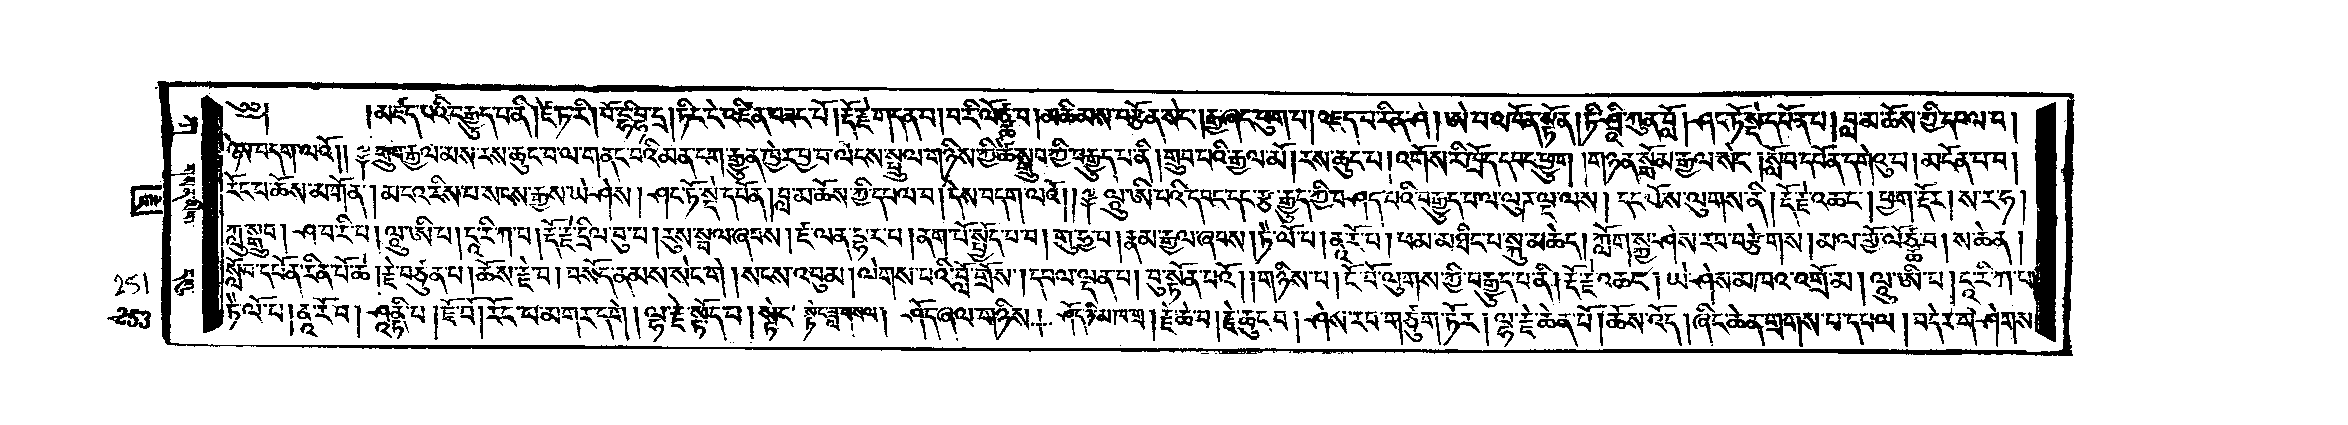༄༅། །མཛད་པའི་བརྒྱུད་པ་ནི། ཛེ་ཏ་རི། བོ་དྷི་བྷ་དྲ། ཏིང་ངེ་འཛིན་བཟང་པོ། རྡོ་རྗེ་གདན་པ། བ་རི་ལོཙྪ་བ། མཆིམས་བརྩོན་སེང་། རྒྱ་ཞང་ཕུག་པ། འཇད་པ་རིན་ཤེ། ཨེ་བ་འཁོ་ན་སྟོན་།ཏི་ཤྲཱི་ཀུན་བློ། ཤང་ཏོ་སྡེ་དཔོན་པ། བླ་མ་ཆོས་ཀྱི་དཔལ་བ།
ཉེས་བདག་ལའོ། །༈གྲུབ་རྒྱལ་མས་རས་ཆུང་བ་ལ་གནང་བའི་མན་ངག་རྒྱུན་ཁྱེར་བྱ་བ་ལེངས་སྤྲུལ་གཉིས་ཀྱི་ཚེ་སྒྲུབ་ཀྱི་བརྒྱུད་པ་ནི། གྲུབ་པའི་རྒྱལ་མོ། རས་ཆུང་པ། འགོས་རི་ཁྲོད་དབང་ཕྱུག །གཉན་སྒོམ་རྒྱལ་སེང་།སློབ་དཔོན་དགེའུ་པ། མངོན་པ་བ།
རོང་པ་ཆོས་མགོན། མངའ་རིས་པ་སངས་རྒྱས་ཡེ་ཤེ། ཤང་ཏོ་སྡེ་དཔོན་།བླ་མ་ཆོས་ཀྱི་དཔལ་བ་།དེས་བདག་ལའོ།། ༈ ལཱུ་ཨི་པའི་དབང་དང་རྩ་རྒྱུད་ཀྱི་བཤད་པའི་བརྒྱུད་པ་ལ་ལུགས་ལས། དང་པོ་ས་ལུགས་ནི། རྡོ་རྗེ་འཆང་། ཕྱག་རྡོར། ས་ར་ཧ།
ཀླུ་སྒྲུབ། ཤ་བ་རི་པ། ལའུ་ཨི་པ། དྷའ་རི་ཀ་པ། རྡོ་རྗེ་དྲིལ་བུ་པ། རུས་སྦལ་ཞབས། ཛ་ལན་དྷ་ར་པ། ནག་པོ་སྤྱོད་པ་བ། གུ་ཧྱ་པ། རྣམ་རྒྱལ་ཞབས། ཏཻ་ལོ་པ། ནའ་རོ་པ། ཕམ་མཐིང་པ་སྐུ་མཆེད། ཀློག་སྐྱ་ཤེས་རབ་བརྩེགས། མལ་གྱོ་ལོཙྪ་བ། ས་ཆེན།
སློབ་དཔོན་རིན་པོ་ཆེ། རྗེ་བཙུན་པ། ཆོས་རྗེ་བ་བསོད་ནམས་སེང་གེ། སངས་འབུམ། ལེགས་པའི་བློ་གྲོས། དཔལ་ལྡན་པ། བུ་སྟོན་པའོ། །གཉིས་པ། ངོ་བོ་ལུགས་ཀྱི་བརྒྱུད་པ་ནི། རྡོ་རྗེ་འཆང་། ཡེ་ཤེས་མཁའ་འགྲོ་མ། ལའུ་ཨི་པ། དྷའ་རི་ཀ་པ།
ཏཻ་ལོ་པ། ནཱ་རོ་བ། ཤཱནྟི་པ་།ཇོ་བོ། རོང་པ་མགར་དགེ །ལྷ་རྗེ་སྟོད་པ། སྟེང་། {སྟེང་ཟླ་གསལ།}་ཤོད་ཞལ་གཉིས། ཤོད་ཉི་མ་ཁ་གྲ། རྗེ་ཆེ་བ། རྗེ་ཆུང་བ། ཤེས་རབ་བཙུག་ཏོར། ལྷ་རྗེ་ཆེན་པོ། ཆོས་འོད། ཞིང་ཆེན་གྲགས་པ་དཔལ། བདེར་གཤེགས་